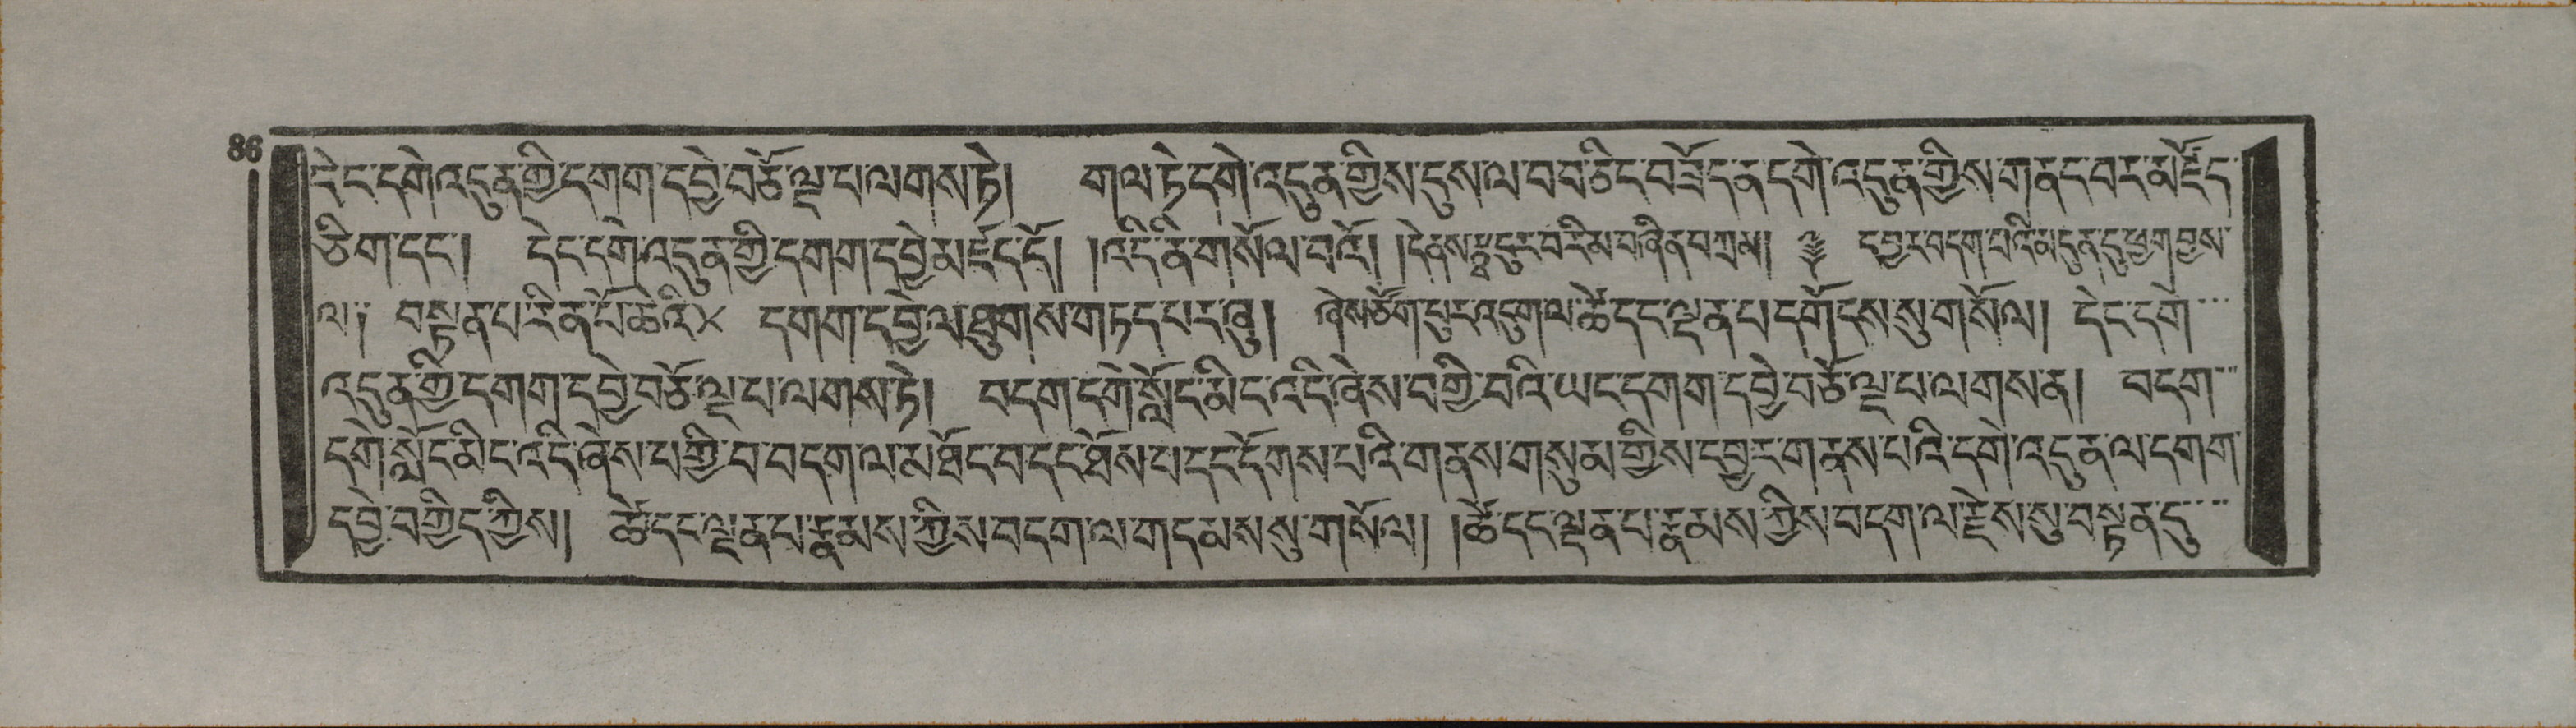དེང་དགེ་འདུན་གྱི་དགག་དབྱེ་བཅོ་ལྔ་པ་ལགས་ཏེ། གལ་ཏེ་དགེ་འདུན་གྱིས་དུས་ལ་བབ་ཅིད་བཟོད་ན་དགེ་འདུན་གྱིས་གནང་བར་མཛོད་
ཅིག་དང་། དེང་དགེ་འདུན་གྱི་དགག་དབྱེ་མཛད་དོ། །འདི་ནི་གསོལ་བའོ། །དེ་ནས་རྩྭ་ངུར་བ་རིམ་བཞིན་བཀྲམ། ༈ དབྱར་བདག་པའི་མདུ་དུ་ཕྱག་བྱས་
ལ། བསྟན་པ་རིན་པོ་ཆེའི་྾་དགག་དབྱེ་ལ་ཐུགས་གཏད་པར་ཞུ། ཞེས་ཙོག་པུར་འདུག་ལ་ཚེ་དང་ལྡན་པ་དགོངས་སུ་གསོལ། །དེང་དགེ་
འདུན་གྱི་དགག་དབྱེ་བཅོ་ལྔ་པ་ལགས་ཏེ། བདག་དགེ་སློང་མིང་འདི་ཞེས་བགྱི་བའི་ཡང་དགག་དབྱེ་བཅོ་ལྔ་པ་ལགས་ན། བདག་
དགེ་སློང་མིང་འདི་ཞེས་བགྱི་བ་བདག་ལ་མཐོང་བ་དང་ཐོས་པ་དང་དོགས་པའི་གནས་གསུམ་གྱིས་དབྱར་གནས་པའི་དགེ་འདུན་ལ་དགག་
དབྱེ་བགྱིད་ཀྱིས། ཚེ་དང་ལྡན་པ་རྣམས་ཀྱིས་བདག་ལ་གདམས་སུ་གསོལ། །ཚེ་དང་ལྡན་པ་རྣམས་ཀྱིས་བདག་ལ་རྗེས་སུ་བསྟན་དུ་